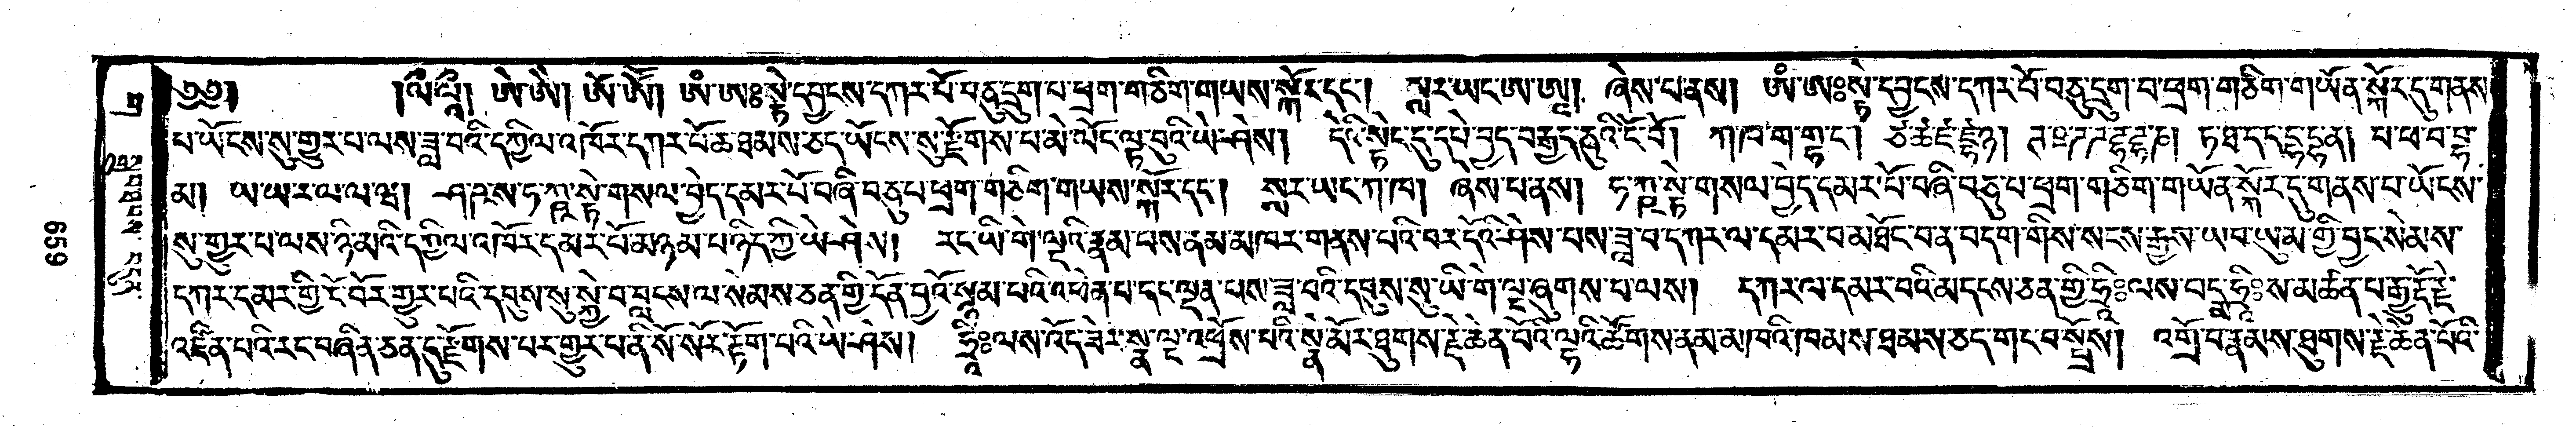༄༅། །ལྀ་ལཱྀ། ཨེ་ཨཻ། ཨོ་ཨཽ། ཨཾ་ཨཿསྟེ་དབྱངས་དཀར་པོ་བ་ནུ་དྲུག་པ་ཕྲག་གཅིག་གཡས་སྐོར་དང་། སླར་ཡང་ཨ་ཨཱ། ཞེས་པ་ནས། ཨཾ་ཨཿསྟེ་དབྱངས་དཀར་བོ་བཅུ་དྲུག་བ་ཕྲག་གཅིག་གཡོན་སྐོར་དུ་གནས་
པ་ཡོངས་སུ་གྱུར་པ་ལས་ཟླ་བའི་དཀྱིལ་འཁོར་དཀར་པོ་ཆ་ཐམས་ཅད་ཡོངས་སུ་རྫོགས་པ་མེ་ལོང་ལྟ་བུའི་ཡེ་ཤེས། དེའི་སྟེང་དུ་དཔེ་བྱད་བརྒྱད་ཅུའི་ངོ་བོ། ཀ་ཁ་ག་གྷ་ང་། ཙ་ཚ་ཛ་ཛྷཉ། ཊ་ཊཿཨ་ཌ་ཌ་ཌྷཌྷ་ཎ། ཏ་ཐ་དད་ད་དྷ་དྷ་ན། པ་ཕ་བ་བྷ་
མ། ཡ་ཡ་ར་ལ་ལ་ཝ། ཤ་ཥ་ས་ཧ་ཀྵ་སྟེ་གསལ་བྱེད་དམར་པོ་བཞི་བཅུ་པ་ཕྲག་གཅིག་གཡས་སྐོར་དང་། སླར་ཡང་ཀ་ཁ། ཞེས་པ་ནས། ཧ་ཀྵ་སྟེ་གསལ་བྱེད་དམར་པོ་བཞི་བཅུ་པ་ཕྲག་གཅིག་གཡོན་སྐོར་དུ་གནས་པ་ཡོངས་
སུ་གྱུར་པ་ལས་ཉི་མའི་དཀྱིལ་འཁོར་དམར་པོ་མཉམ་པ་ཉིད་ཀྱི་ཡེ་ཤེས། རང་ཡི་གེ་ལྔའི་རྣམ་པས་ནམ་མཁར་གནས་པའི་བར་དོའི་ཤེས་པས་ཟླ་བ་དཀར་ལ་དམར་བ་མཐོང་བ་ན་བདག་གིས་སངས་རྒྱས་ཡབ་ཡུམ་གྱི་བྱང་སེམས་
དཀར་དམར་གྱི་ངོ་བོར་གྱུར་པའི་དབུས་སུ་སྐྱེ་བ་བླངས་ལ་སེམས་ཅན་གྱི་དོན་བྱའོ་སྙམ་པའི་འཕེན་པ་དང་ལྡན་པས་ཟླ་བའི་དབུས་སུ་ཡི་གེ་ལྔ་ཞུགས་པ་ལས། དཀར་ལ་དམར་བའི་མདངས་ཅན་གྱི་ཧྲཱིཿལས་པདམ་ཧྲཱིཿས་མཚན་པ་རྒྱུ་རྡོ་རྗེ་
འཛིན་པའི་རང་བཞིན་ཅན་དུ་རྫོགས་པར་གྱུར་པ་ནི་སོ་སོར་རྟོག་པའི་ཡེ་ཤེས། ཧྲཱིཿལས་འོད་ཟེར་སྣ་ལྔ་འཕྲོས་པའི་སྣེ་མོར་ཐུགས་རྗེ་ཆེན་པོའི་ལྷའི་ཚོགས་ནམ་མཁའི་ཁམས་ཐམས་ཅད་གང་བ་སྤྲོས། འགྲོ་བ་རྣམས་ཐུགས་རྗེ་ཆེན་པོའི་